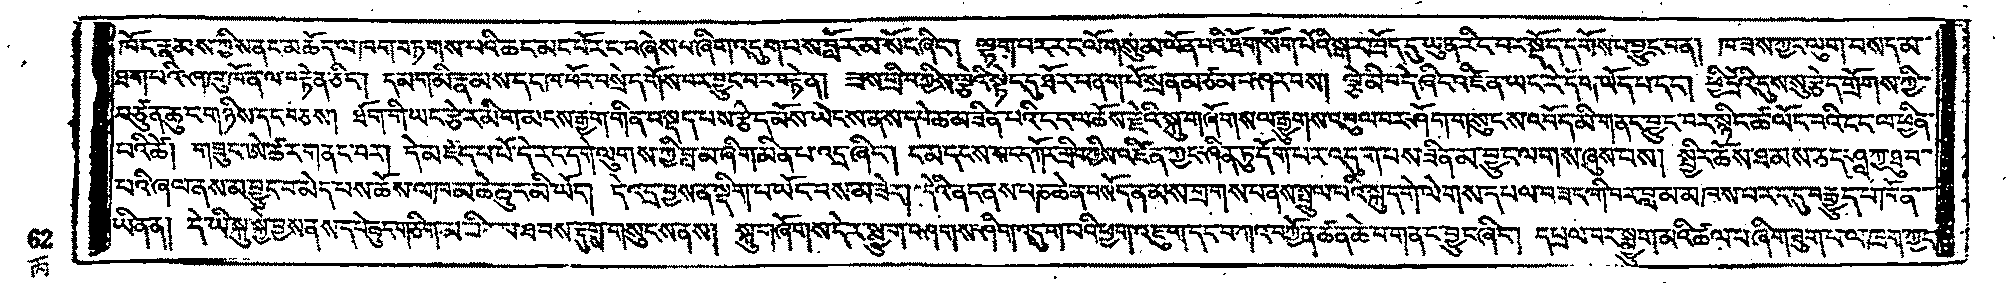ཁོང་རྣམས་ཀྱིས་ནང་མཆོད་ལ་ཁག་བཏགས་པའི་ཆང་མང་པོ་རང་བཞེས་པ་ཞིག་འདུག་པས་བློར་མ་སོང་ཞིང་། ལྷག་པར་རང་ལོ་གསུམ་ལོན་པའི་ཐོག་སོག་པོའི་སྒར་ཁྲོད་དུ་ཡུན་རིང་བར་སྡོད་དགོས་པ་བྱུང་བ་ན། ཁ་ཟས་ཀྱང་ལུག་བསད་མ་
ཐག་པའི་ཤ་ཁུ་ཁོ་ན་ལ་བརྟེན་ཅིང་། དམག་མི་རྣམས་དང་ཁ་ཕོར་བསྲེ་དགོས་པར་བྱུང་བར་བརྟེན། ཟས་གྲིབ་ཀྱིས་ལྕེའི་སྟེང་དུ་ཐོར་པ་ནག་པོ་སྲན་མ་ཙམ་པ་ཤར་བས། ལྕེ་མི་བདེ་ཞིང་འཛིན་ཡང་རེ་དག་ཡོད་པ་དང་། ཕྱི་དྲོའི་དུས་སུ་རྩེ་གྲོགས་ཀྱི་
བཙུན་ཆུང་གཉིས་དང་བཅས། ཐོག་གི་ཡང་རྩེར་མིག་མངས་རྒྱག་གིན་བསྡད་པས་རྩེད་མོས་ཡེངས་ནས་དཔེ་ཆ་མ་ཟིན་པའི་ངང་ལ་ཆོས་རྗེའི་སྐུ་གཞོགས་ལ་རྒྱུགས་འབུལ་བར་ཤོག་གསུངས་འབོད་མི་གནང་བྱུང་བར་སྙིང་ཚ་ལོང་བའི་ངང་ལ་ཕྱིན་
པའི་ཚེ། གཟུང་ཨེ་ཚར་གནང་བར། དེ་མཛད་པ་པོ་དེ་རང་དགེ་ལུགས་ཀྱི་བླ་མ་ཞིག་མིན་པ་འདྲ་ཞིང་། ང་མདངས་སང་དཀོར་གྲིབ་ཀྱིས་འཛིན་ཀྱང་ཤིན་ཏུ་དོག་པར་འདུག་པས་ཟིན་མ་བྱུང་ལགས་ཞུས་པས། སྤྱིར་ཆོས་ཐམས་ཅད་ཤཱཀྱ་ཐུབ་
པའི་ཞལ་ནས་མ་བྱུང་བ་མེད་པས་ཆོས་ལ་ཁམ་ཆེ་ཆུང་མི་ཡོང་། དེ་འདྲ་བྱས་ན་སྡིག་པ་ཡོང་བས་མ་ཟེར། དེའི་ནང་ནས་པཎ་ཆེན་བསོད་ནམས་གྲགས་པ་ནས་སྤྲུལ་པའི་སྐུ་དགེ་ལེགས་དཔལ་བཟང་གི་བར་བླ་མ་མཁས་པར་རང་དུ་བརྒྱུད་པ་ཁོ་ན་
ཡིན་ན། དེ་ཡི་སྐུ་སྐྱེ་བྱས་ནས་དཔེ་ཆུང་གཅིག་མ་ཟིན་པ་ཐབས་རྡུགས་གསུངས་ནས། སྐུ་གཞོགས་དེར་སྨྱུག་བཤགས་ཤིག་འདུག་པའི་ཕྱག་འཇུག་དང་དཀའ་བཀྱོན་ཚན་ཆེ་བ་གནང་བྱུང་ཞིང་། དཔྲལ་བར་སྨྱུག་མའི་ཚལ་བ་ཞིག་ཟུག་པ་ལ་ཁྲག་ཀྱང་